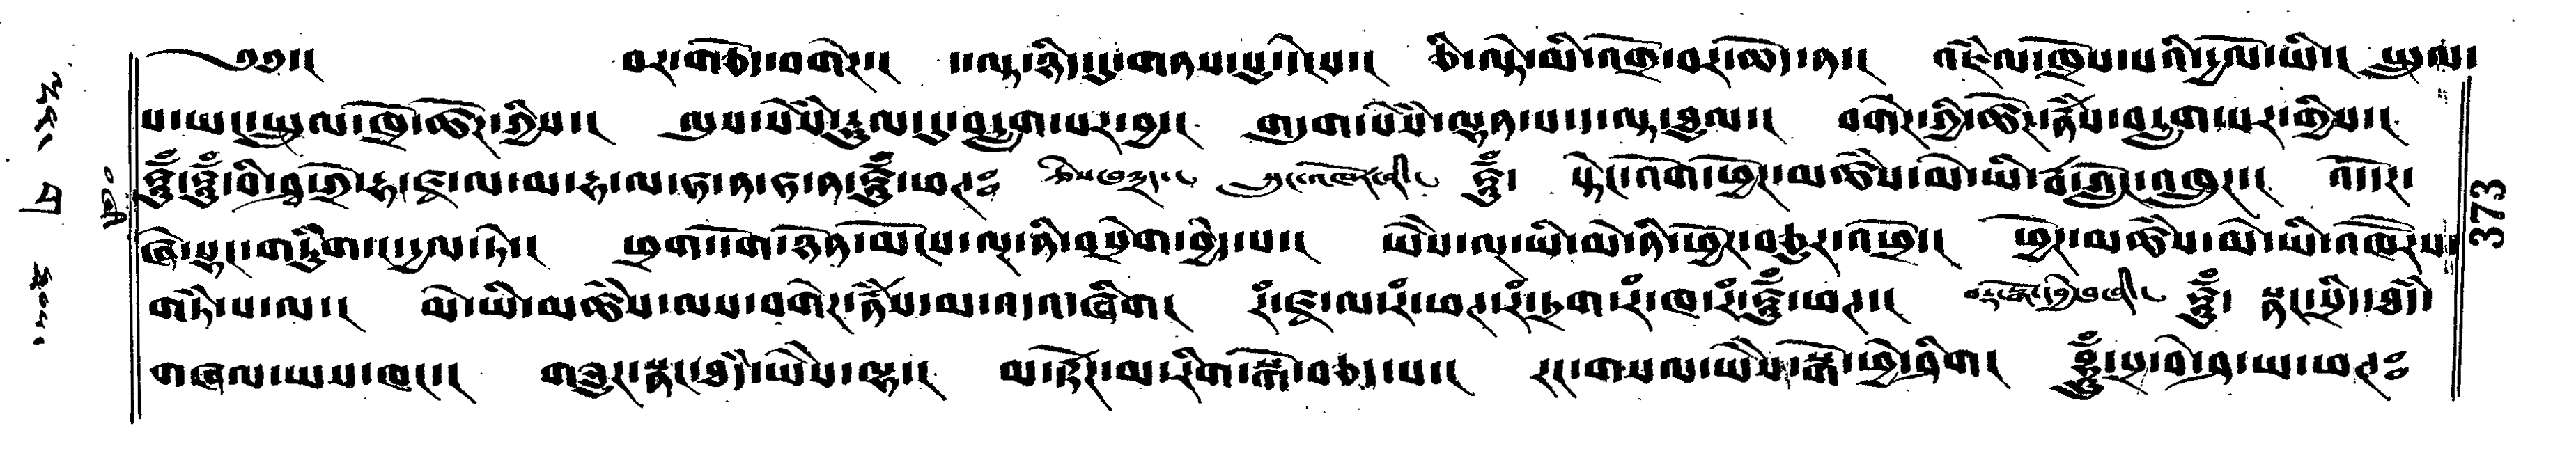བར་གཅོད་བགེགས། །ད་ལྟ་ཉིད་དུ་གནས་སུ་དེངས། །ཅི་སྟེ་མི་འགྲོ་བར་བཅོད་ན། །འཇམ་དཔལ་ཁྲོས་པའི་རྒྱལ་པོ་ཡི། སྤྲུལ་
པ་ཡང་སྤྲུལ་ཁྲོ་ཚོགས་ཀྱིས། །ལུས་སེམས་རྡུལ་དུ་བརླག་པར་བྱ། །གདུག་སེམས་ལྡན་པ་ད་ལྟ་ཐུལ། །བགེགས་ཀྱི་ཚོགས་རྣམས་བརླག་པར་གྱིས། 
ཧཱུྃ་ཧཱུྃ་བི་ཤྭ་ཀྲོ་དྷ་ཛྭ་ལ་མ་དྷ་ལ་ཧ་ན་ཧ་ན་ཧཱུྃ་ཕཊཿ ཅེས་བསྐྲད། སྲུང་འཁོར་ནི། ཧཱུྃ། སྟེང་འོག་ཕྱོགས་མཚམས་མེ་ཡི་རྦ་ཀློང་འཁྲུགས། །འདོད་ཆགས་
ཞེ་སྡང་གཏི་མུག་ང་རྒྱལ་ཏེ། །ཕྲག་དོག་ཉོན་མོངས་ལྔ་ནི་བསྲེག་བྱེད་པ། །ཡེ་ཤེས་ལྔ་ཡི་མེ་ནི་ཕྱོགས་བཅུར་འཕྲོ། །ཕྱོགས་མཚམས་མེ་ཡི་འཁོར་ལོས་
གཏམས་པ་ལ། །མེ་ཡི་མཚམས་ལས་བགེགས་རྣམས་མ་འདའ་ཞིག རཾ་ཛྭ་ལ་རཾ་ཕཊཿཏྲག་རཾ་ཁ་རཾ་ཧཱུྃ་ཕཊཿ བརྡ་སྒོ་དབྱེ་བ་ནི། ཧཱུྃ། སྣང་སྲིད་ཐམས་ཅད་
གཞལ་ཡས་ཁང་། །གཟུགས་སྣང་ཐམས་ཅད་ཡེ་ཤེས་ལྷ། །མ་རྟོགས་མ་རིག་སྒོ་བཅད་པས། །རང་གསལ་ཡེ་ཤེས་སྒོ་ཕྱེ་ཤིག བྷྲུྃ་པྲ་བེ་ཤ་ཡ་ཕཊཿ